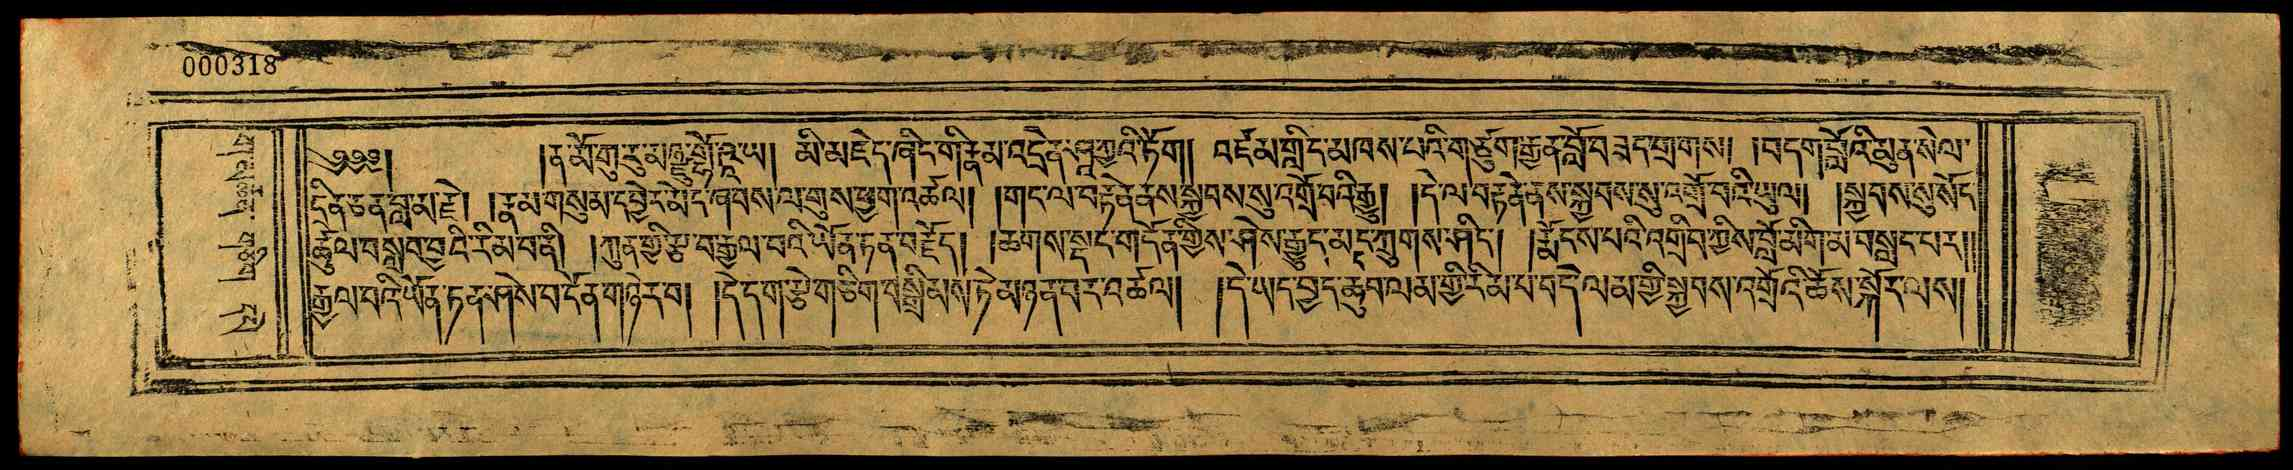༄༅༅། །ན་མོ་གུ་རུ་མཉྫུ་གྷོ་ཥཱ་ཡ། མི་མཇེད་ཞིང་གི་རྣམ་འདྲེན་ཤཱཀྱའི་ཏོག །འཛམ་གླིང་མཁས་པའི་གཙུག་རྒྱན་བློ་བཟང་གྲགས། །བདག་བློའི་མུན་སེལ་
དྲིན་ཅན་བླ་མ་རྗེ། །རྣམ་གསུམ་དབྱེར་མེད་ཞབས་ལ་གུས་ཕྱག་འཚལ། །གང་ལ་བརྟེན་ནས་སྐྱབས་སུ་འགྲོ་བའི་རྒྱུ། །དེ་ལ་བརྟེན་ནས་སྐྱབས་སུ་འགྲོ་བའི་ཡུལ། །སྐྱབས་སུ་སོང་
ཚུལ་བསླབ་བྱའི་རིམ་པ་ནི། །ཀུན་གྱི་རྩ་བ་རྒྱལ་བའི་ཡོན་ཏན་བརྗོད། །ཆགས་སྡང་གདོན་གྱིས་ཤེས་རྒྱུད་མ་དཀྲུགས་ཤིང་། །རྨོངས་པའི་འགྲིབ་ཀྱིས་བློ་མིག་མ་བསླད་པར། །
རྒྱལ་བའི་ཡོན་ཏན་ཤེས་པ་དོན་གཉེར་བ། །དེ་དག་རྩེ་གཅིག་བསྒྲིམས་ཏེ་མཉན་པར་འཚལ། །དེ་ཡང་བྱང་ཆུབ་ལམ་གྱི་རིམ་པ་བདེ་ལམ་གྱི་སྐྱབས་འགྲོའི་ཆོས་སྐོར་ལས།